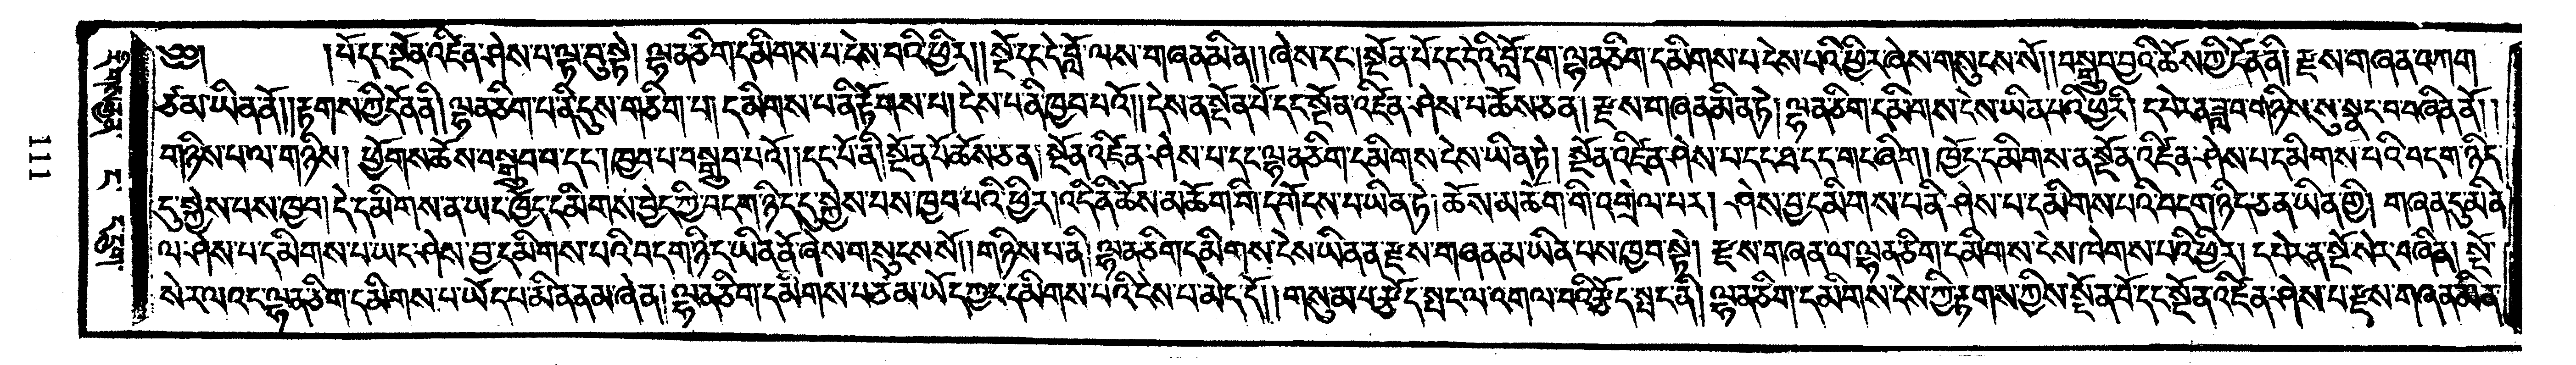༄༅། །པོ་དང་སྔོན་འཛིན་ཤེས་པ་ལྟ་བུ་སྟེ། ལྷན་ཅིག་དམིགས་པ་ངེས་པའི་ཕྱིར། །སྔོ་དང་དེ་བློ་ལས་གཞན་མིན། །ཞེས་དང་། སྔོན་པོ་དང་དེའི་བློ་དག་ལྷན་ཅིག་དམིགས་པ་ངེས་པའི་ཕྱིར་ཞེས་གསུངས་སོ། །བསྒྲུབ་བྱའི་ཆོས་ཀྱི་དོན་ནི། རྫས་གཞན་བཀག་
ཙམ་ཡིན་ནོ། །རྟགས་ཀྱི་དོན་ནི། ལྷན་ཅིག་པ་ནི་དུས་གཅིག་པ། དམིགས་པ་ནི་རྟོགས་པ། ངེས་པ་ནི་ཁྱབ་པའོ། །དེས་ན་སྔོན་པོ་དང་སྔོན་འཛིན་ཤེས་པ་ཆོས་ཅན། རྫས་གཞན་མིན་ཏེ། ལྷན་ཅིག་དམིགས་ངེས་ཡིན་པའི་ཕྱིར། དཔེར་ན་ཟླ་བ་གཉིས་སུ་སྣང་བ་བཞིན་ནོ། །
གཉིས་པ་ལ་གཉིས། ཕྱོགས་ཆོས་བསྒྲུབ་པ་དང་། ཁྱབ་པ་བསྒྲུབ་པའོ། །དང་པོ་ནི། སྔོན་པོ་ཆོས་ཅན། སྔོན་འཛིན་ཤེས་པ་དང་ལྷན་ཅིག་དམིགས་ངེས་ཡིན་ཏེ། སྔོན་འཛིན་ཤེས་པ་དང་ཐ་དད་གང་ཞིག །ཁྱོད་དམིགས་ན་སྔོན་འཛིན་ཤེས་པ་དམིགས་པའི་བདག་ཉིད་
དུ་སྐྱེས་པས་ཁྱབ། དེ་དམིགས་ན་ཡང་ཁྱོད་དམིགས་བྱེད་ཀྱི་བདག་ཉིད་དུ་སྐྱེས་པས་ཁྱབ་པའི་ཕྱིར། འདི་ནི་ཆོས་མཆོག་གི་དགོངས་པ་ཡིན་ཏེ། ཆོས་མཆོག་གི་འགྲེལ་པར། ཤེས་བྱ་དམིགས་པ་ནི་ཤེས་པ་དམིགས་པའི་བདག་ཉིད་ཅན་ཡིན་གྱི། གཞན་དུ་མིན་
ལ་ཤེས་པ་དམིགས་པ་ཡང་ཤེས་བྱ་དམིགས་པའི་བདག་ཉིད་ཡིན་ནོ་ཞེས་གསུངས་སོ། །གཉིས་པ་ནི། ལྷན་ཅིག་དམིགས་ངེས་ཡིན་ན་རྫས་གཞན་མ་ཡིན་པས་ཁྱབ་སྟེ། རྫས་གཞན་ལ་ལྷན་ཅིག་དམིགས་ངེས་ཁེགས་པའི་ཕྱིར། དཔེར་ན་སྔོ་སེར་བཞིན། སྔོ་
སེར་ལའང་ལྷན་ཅིག་དམིགས་པ་ཡོད་པ་མིན་ནམ་ཞེ་ན། ལྷན་ཅིག་དམིགས་པ་ཙམ་ཡོད་ཀྱང་དམིགས་པའི་ངེས་པ་མེད་དོ། །གསུམ་པ་རྩོད་སྤང་ལ་འགལ་བའི་རྩོད་སྤང་ནི། ལྷན་ཅིག་དམིགས་ངེས་ཀྱི་རྟགས་ཀྱིས་སྔོན་པོ་དང་སྔོན་འཛིན་ཤེས་པ་རྫས་གཞན་མིན་